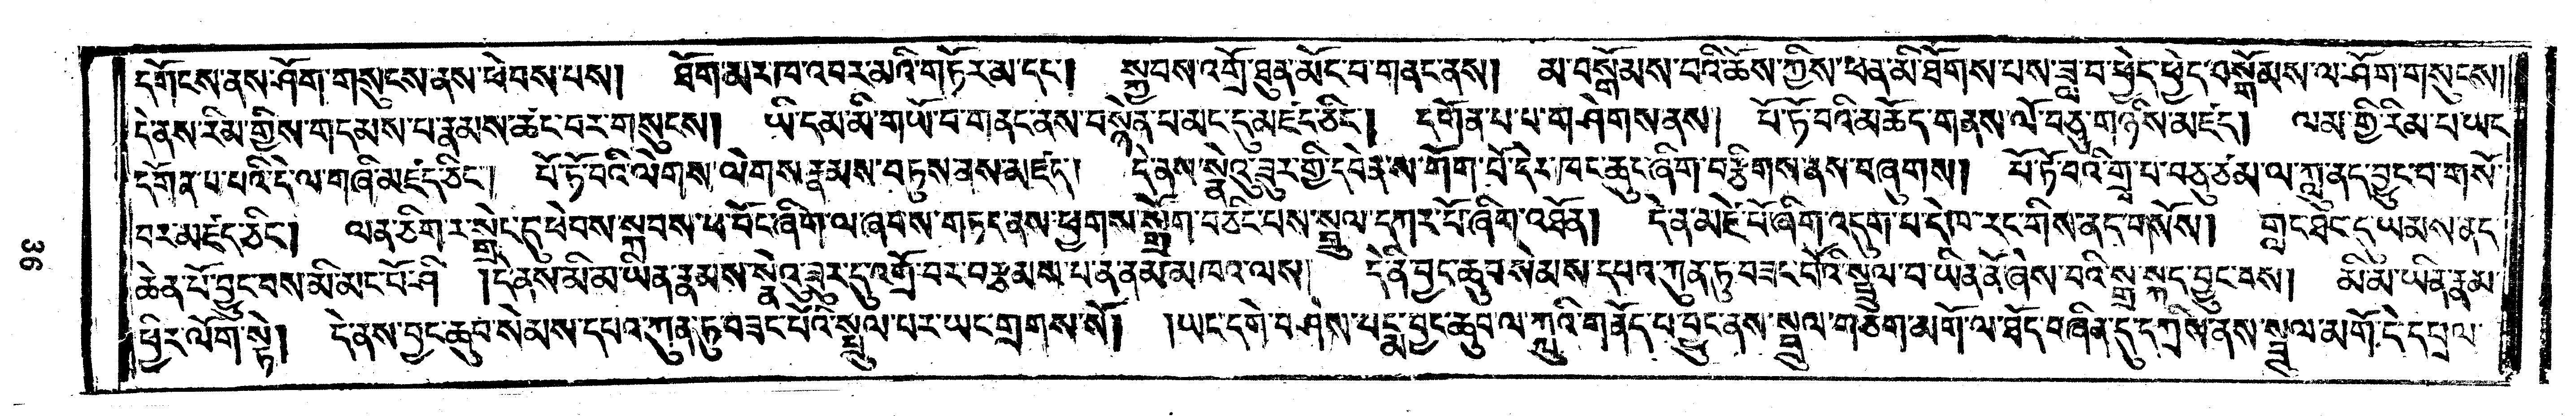དགོངས་ནས་ཤོག་གསུངས་ནས་ཕེབས་པས། ཐོག་མར་ཁ་འབར་མའི་གཏོར་མ་དང་། སྐྱབས་འགྲོ་ཐུན་མོང་བ་གནང་ནས། མ་བསྒོམས་པའི་ཆོས་ཀྱིས་ཕན་མི་ཐོགས་པས་ཟླ་བ་ཕྱེད་ཕྱེད་བསྒོམས་ལ་ཤོག་གསུངས།
དེ་ནས་རིམ་གྱིས་གདམས་པ་རྣམས་ཚང་བར་གསུངས། ཡི་དམ་མི་གཡོ་བ་གནང་ནས་བསྙེན་པ་མང་དུ་མཛད་ཅིང་། དགོན་པ་པ་གཤེགས་ནས། པོ་ཏོ་བའི་མཆོད་གནས་ལོ་བཅུ་གཉིས་མཛད། ལམ་གྱི་རིམ་པ་ཡང་
དགོན་པ་པའི་དེ་ལ་གཞི་མཛད་ཅིང་། པོ་ཏོ་བའི་ལེགས་ལེགས་རྣམས་བཏུས་ནས་མཛད། དེ་ནས་སྣེའུ་ཟུར་གྱི་དབེན་ས་གོག་བོ་དེར་ཁང་ཆུང་ཞིག་བརྩིགས་ནས་བཞུགས། པོ་ཏོ་བའི་གྲྭ་པ་བཅུ་ཙམ་ལ་ཀླུ་ནད་བྱུང་བ་གསོ་
པར་མཛད་ཅིང་། ལན་ཅིག་ར་སྒྲེང་དུ་ཕེབས་སྐབས་ཕ་བོང་ཞིག་ལ་ཞབས་གཏད་ནས་ཕྱགས་སྒྲོག་བཅིང་པས་སྤྲུལ་དཀར་པོ་ཞིག་འཐོན། དེ་ན་མཛེ་བོ་ཞིག་འདུག་པ་དེ་ཁ་རང་གིས་ནད་གསོས། གླང་ཐང་དུ་ཡམས་ནད་
ཆེན་པོ་བྱུང་བས་མི་མང་པོ་ཤི་།དེ་ནས་མི་མ་ཡིན་རྣམས་སྣེའུ་ཟུར་དུ་འགྲོ་བར་བརྩམས་པ་ན་ནམ་མཁའ་ལས། དེ་ནི་བྱང་ཆུབ་སེམས་དཔའ་ཀུན་ཏུ་བཟང་པོའི་སྤྲུལ་པ་ཡིན་ནོ་ཞེས་པའི་སྒྲ་སྐད་བྱུང་པས། མི་མ་ཡིན་རྣམ་
ཕྱིར་ལོག་སྟེ། དེ་ནས་བྱང་ཆུབ་སེམས་དཔའ་ཀུན་ཏུ་བཟང་པོའི་སྤྲུལ་པར་ཡང་གྲགས་སོ། །ཡང་དགེ་བཤེས་པདམ་བྱང་ཆུབ་ལ་ཀླུའི་གནོད་པ་བྱུང་ནས་སྦྲུལ་གཅིག་མགོ་ལ་ཐོད་བཞིན་དུ་དཀྲིས་ནས་སྤྲུལ་མགོ་དེ་དཔྲལ་